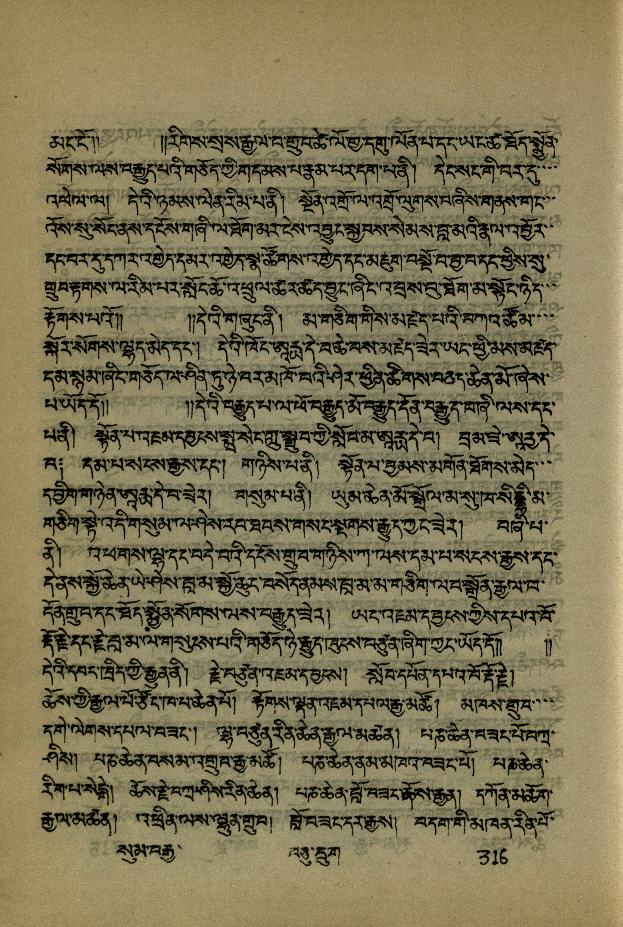མང་ངོ།། །།རིགས་སྲས་རྒྱལ་བ་གྲུབ་ཚེ་ལོ་གྱ་དགུ་ལོན་པ་དང་ཡང་ཚ་ཐོད་སྨྱོན་
སོགས་ལས་བརྒྱུད་པའི་གཅོད་ཀྱི་གདམས་པ་རྣམ་པར་དག་པ་ནི། དེང་སང་གི་བར་དུ་
འཕེལ་ལ། དེའི་ཉམས་ལེན་རིམ་པ་ནི། སྔོན་འགྲོ་ལ་འགྲོ་ལུགས་བཞིས་གནས་གང་
འོས་སུ་སོང་ནས་དངོས་གཞི་ལ་ཐོག་མར་ངེས་འབྱུང་སྐྱབས་སེམས་བླ་མའི་རྣལ་འབྱོར་
དང་བར་དུ་དཀར་འགྱེད་དམར་འགྱེད་སྣ་ཚོགས་འགྱེད་དང་མཇུག་བསྔོ་བ་བྱ་བ་དང་ཕྱིས་སུ་
གྲུབ་རྟགས་ལ་རིམ་པར་སློང་ཆོ་འཕྲུལ་ཚར་ཚད་བྱུང་ཞིང་འབྲས་བུ་ཐོག་མ་སྟོང་ཉིད་
རྟོགས་པའོ།། །།དེའི་གཞུང་ནི། མ་གཅིག་གིས་མཛད་པའི་བཀའ་ཚོམ་
སྐོར་སོགས་ལྷད་མེད་དང་། དེའི་ཁོང་ཨཱརྱ་དེ་བ་ཆེ་བས་མཛད་ཟེར་ཡང་ཕྱི་མས་མཛད་
དམ་སྙམ་ཞིང་གཅོད་ལ་ཤིན་ཏུ་ཉེ་བར་མཁོ་བའི་ཤེར་ཕྱིན་ཚིགས་བཅད་ཆེན་མོ་ཞེས་
པ་ཡོད་དོ།། །།དེའི་བརྒྱུད་པ་ལ་ཕོ་བརྒྱུད་མོ་བརྒྱུད་དོན་བརྒྱུད་བཞི་ལས་དང་
པ་ནི། སྟོན་པ་འཇམ་དབྱངས་སྨྲ་སེང་ཀླུ་སྒྲུབ་ཀྱི་སློབ་མ་ཨཱརྱ་དེ་བ། བྲམ་ཟེ་ཨཱརྱ་དེ་
བ༑ དམ་པ་སངས་རྒྱས་དང་། གཉིས་པ་ནི། སྟོན་པ་བྱམས་མགོན་ཐོགས་མེད་
དབྱིག་གཉེན་ཨཱརྱ་དེ་བ་ཟེར། གསུམ་པ་ནི། ཡུམ་ཆེན་མོ་སྒྲོལ་མ་སུ་ཁ་སིངྡི་མ་
གཅིག་སྟེ་འདི་གསུམ་ལ་ཤེས་རབ་ཐབས་གསང་སྔགས་རྒྱུད་ཀྱང་ཟེར། བཞི་པ་
ནི། འཕགས་ལྷ་དང་བདེ་བའི་དངོས་གྲུབ་གཉིས་ཀ་ལས་དམ་པ་སངས་རྒྱས་དང་
དེ་ནས་སྐྱོ་ཆེན་ཡེ་ཤེས་བླ་མ་སྐྱོ་ཆུང་བསོད་ནམས་བླ་མ་མ་གཅིག་ལབ་སྒྲོན་རྒྱལ་བ་
དོན་གྲུབ་དང་ཐོད་སྨྱོན་སོགས་ལས་བརྒྱུད་ཟེར། ཡང་འཇམ་དབྱངས་ཀྱིས་དཔའ་བོ་
རྡོ་རྗེ་དང་རྗེ་བླ་མ་ལ་གསུངས་པའི་གཅོད་ཉེ་རྒྱུད་ཁུངས་བཙུན་ཞིག་ཀྱང་ཡོད་དོ།། །།
དེའི་དབང་ཁྲིད་ཀྱི་རྒྱུན་ནི། རྗེ་བཙུན་འཇམ་དབྱངས། སློབ་དཔོན་དཔའ་བོ་རྡོ་རྗེ།
ཆོས་ཀྱི་རྒྱལ་པོ་ཙོང་ཁ་པ་ཆེན་པོ། རྟོགས་ལྡན་འཇམ་དཔལ་རྒྱ་མཚོ། མཁས་གྲུབ་
དགེ་ལེགས་དཔལ་བཟང་། ལྷ་བཙུན་རིན་ཆེན་རྒྱལ་མཚན། པཎ་ཆེན་བཟང་པོ་བཀྲ་
ཤིས། པཎ་ཆེན་བསམ་འགྲུབ་རྒྱ་མཚོ། པཎ་ཆེན་ནམ་མཁའ་བཟང་པོ། པཎ་ཆེན་
རིག་པ་སེངྒེ། ཆོས་རྗེ་བཀྲ་ཤིས་རིན་ཆེན། པཎ་ཆེན་བློ་བཟང་ཆོས་རྒྱན། དཀོན་མཆོག་
རྒྱལ་མཚན། འཕྲིན་ལས་ལྷུན་གྲུབ། བློ་བཟང་དར་རྒྱས། བདག་གི་མཁན་རིན་པོ་